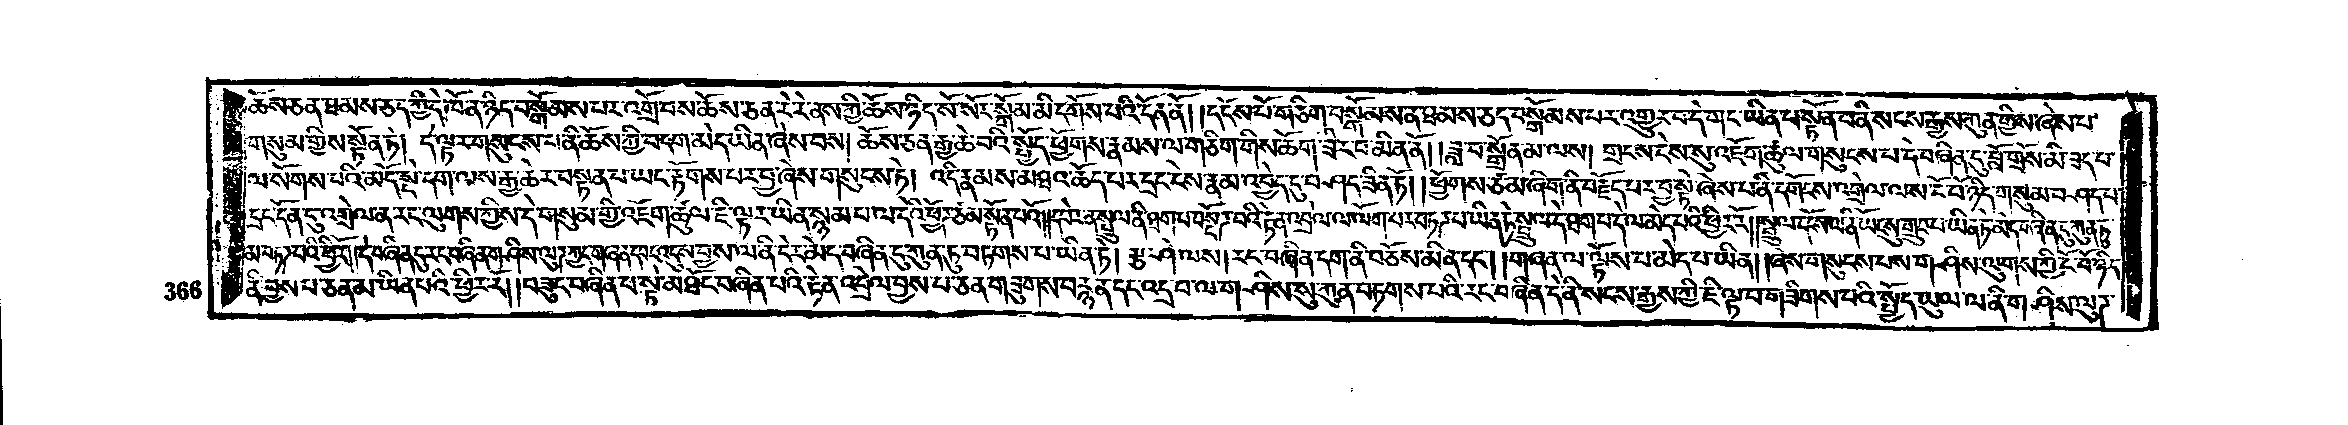ཆོས་ཅན་ཐམས་ཅད་ཀྱི་དེ་ཁོ་ན་ཉིད་བསྒོམས་པར་འགྲོ་བས་ཆོས་ཅན་རེ་རེ་ནས་ཀྱི་ཆོས་ཉིད་སོ་སོར་སྒོམ་མི་དགོས་པའི་དོན་ནོ། །དངོས་པོ་གཅིག་བསྒོམས་ན་ཐམས་ཅད་བསྒོམས་པར་འགྱུར་བ་དེ་གང་ཡིན་པ་སྟོན་པ་ནི་སངས་རྒྱས་ཀུན་གྱིས་ཞེས་པ་
གསུམ་གྱིས་སྟོན་ཏེ། དེ་ལྟར་གསུངས་པ་ནི་ཆོས་ཀྱི་བདག་མེད་ཡིན་ཞེས་པས། ཆོས་ཅན་རྒྱ་ཆེ་བའི་སྤྱོད་ཕྱོགས་རྣམས་ལ་གཅིག་གིས་ཆོག་ཟེར་བ་མིན་ནོ། །ཟླ་བ་སྒྲོན་མ་ལས། གྲངས་ངེས་སུ་འཇོག་ཚུལ་གསུངས་པ་དེ་བཞིན་དུ་བློ་གྲོས་མི་ཟད་པ་
ལ་སོགས་པའི་མདོ་སྡེ་དག་ལས་རྒྱ་ཆེར་བསྟན་པ་ཡང་རྟོགས་པར་བྱ་ཞེས་གསུངས་ཏེ། འདི་རྣམས་མཐའ་ཆོད་པར་དྲང་ངེས་རྣམ་འབྱེད་དུ་བཤད་ཟིན་ཏོ། །ཕྱོགས་ཙམ་ཞིག་ནི་བརྗོད་པར་བྱ་སྟེ་ཞེས་པ་ནི་དགོངས་འགྲེལ་ལས་ངོ་བོ་ཉིད་གསུམ་བཤད་པ་
དྲང་དོན་དུ་འགྲེལ་ན་རང་ལུགས་ཀྱིས་དེ་གསུམ་གྱི་འཇོག་ཚུལ་ཇི་ལྟར་ཡིན་སྙམ་པ་ལ་དེའི་ཕྱོགས་ཙམ་སྟོན་པའོ། །དཔེར་ན་སྦྲུལ་ནི་ཐག་པ་བསྡོགས་པའི་རྟེན་འབྲེལ་ལ་ལོག་པར་བཏགས་པ་ཡིན་ཏེ་སྦྲུལ་དེ་ཐག་པ་དེ་ལ་མེད་པའི་ཕྱིར་རོ། །སྦྲུལ་དངོས་ལ་ནི་ཡོངས་སུ་གྲུབ་པ་ཡིན་ཏེ་མེད་བཞིན་དུ་ཀུན་ཏུ་
མ་བཏགས་པའི་ཕྱིར་རོ། །དེ་བཞིན་དུ་རང་བཞིན་གཤིས་ལུགས་ཀྱང་གཞན་དབང་འདུས་བྱས་ལ་ནི་དེར་མེད་བཞིན་དུ་ཀུན་ཏུ་བཏགས་པ་ཡིན་ཏེ། རྩ་ཤེ་ལས། རང་བཞིན་དག་ནི་བཅོས་མིན་དང་། །གཞན་ལ་ལྟོས་པ་མེད་པ་ཡིན། །ཞེས་གསུངས་པས་གཤིས་ལུགས་ཀྱི་ངོ་བོ་ཉིད་
ནི་བྱས་པ་ཅན་མ་ཡིན་པའི་ཕྱིར་རོ། །བཟུང་བཞིན་པ་སྟེ་མཐོང་བཞིན་པའི་རྟེན་འབྲེལ་བྱས་པ་ཅན་གཟུགས་བརྙན་དང་འདྲ་བ་ལ་གཤིས་སུ་ཀུན་བཏགས་པའི་རང་བཞིན་དེ་ནི་སངས་རྒྱས་ཀྱི་ཇི་ལྟ་བ་གཟིགས་པའི་སྤྱོད་ཡུལ་ལ་ནི་གཤིས་ལུགས་